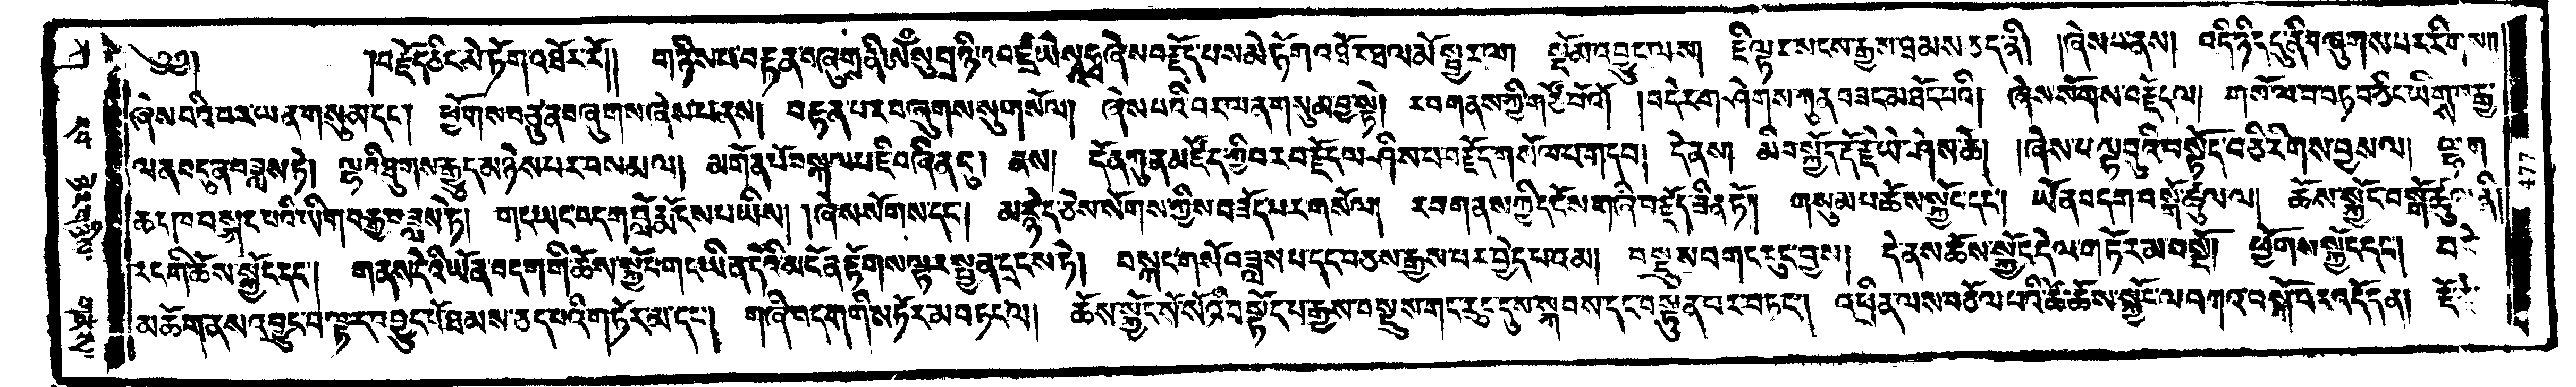༄༅། །བརྗོད་ཅིང་མེ་ཏོག་འཐོར་རོ། །གཉིས་བ་བརྟན་བཞུགས་ནི་ཨོཾ་སུ་བྲ་ཉི?་བཛྲ་ཡེ་སྭཱཧྭ་ཞེས་བརྗོད་པས་མེ་ཏོག་འཐོར་ཐལ་མོ་སྦྱར་ལ། སྡོམ་འབྱུང་ལས། ཇི་ལྟར་སངས་རྒྱས་ཐམས་ཅད་ནི། །ཞེས་པ་ནས། བདེ་ཉིད་དུ་ནི་བཞུགས་པར་རིགས།
ཞེས་པའི་བར་ཡན་གསུམ་དང་། ཕྱོགས་བཙུན་བཞུགས་ཞེས་པ་ནས། བརྟན་བར་བཞུགས་སུ་གསོལ། ཞེས་པའི་བར་ལན་གསུམ་བྱ་སྟེ། རབ་གནས་ཀྱི་གཙོ་བོའོ། །བདེར་གཤེགས་ཀུན་བཟང་མཐོང་བའོ། ཞེས་སོགས་བརྗོད་ལ། གསོལ་བ་བཏབ་ཅིང་ཡིགས་བརྒྱ་
ལན་བདུན་བཟླས་ཏེ། ལྷའི་ཐུགས་རྒྱུད་མཉེས་པར་བསམ་ལ། མགོན་པོ་བསྐལ་པ་ཇི་བཞིན་དུ། ནས། དོན་ཀུན་མཛོད་ཀྱི་བར་བརྗོད་ལ་ཤིས་བ་བརྗོད་གསོལ་བ་གདབ། དེ་ནས། མི་བསྐྱོད་རྡོ་རྗེ་ཡེ་ཤེས་ཆེ། །ཞེས་པ་ལྟ་བུའི་བསྟོད་བཅི་རིགས་བྱས་ལ། བྷ་ག་
ཆང་ཁ་བསྐང་བའི་ཡིག་བརྒྱ་བཟླས་ཏེ། གང་ཡང་བདག་བློ་རྨོངས་པ་ཡིས། །ཞེས་སོགས་དང་། མ་རྙེད་ཅེས་སོགས་ཀྱི་བཟོད་པར་གསོལ། རབ་གནས་ཀྱི་དངོས་གཞི་བརྗོད་ཟིན་ཏོ། གསུམ་པ་ཆོས་སྐྱོང་དང་། ཡོན་བདག་བསྒོ་ཚུལ་ལ། ཆོས་སྐྱོང་བསྒོ་ཚུལ་ནི།
རང་གི་ཆོས་སྐྱོང་དང་། གནས་དེའི་ཡོན་བདག་གི་ཆོས་སྐྱོང་གང་ཡིན་དེའི་མངོན་རྟོགས་ལྟར་སྤྱན་དྲངས་ཏེ། བསྐང་གསོ་བཟླས་པ་དང་བཅས་རྒྱས་པར་བྱེད་པའམ། བསྡུས་བ་གང་རུང་བྱས། དེ་ནས་ཆོས་སྐྱོང་དེ་ལ་གཏོར་མ་བསྔོ། ཕྱོགས་སྐྱོང་དང་། བདེ་
མཆོག་གནས་འབྱུང་བ་ལྟར་འབྱུང་པོ་ཐམས་ཅད་པའི་གཏོར་མ་དང་། གཞི་བདག་གིས་ཏོར་མ་བཏང་ལ། ཆོས་སྐྱོང་སོ་སོའི་བསྟོང་པ་རྒྱས་བསྡུས་གང་རུང་དུས་སྐབས་དང་བསྟུན་པར་བཏང་། འཕྲིན་ལས་བཅོ་ལ་བའི་ཚེ་ཆོས་སྐྱོང་ལ་བཀའ་བསྒོ་བར་འདོད་ན། རྡོ་རྗེ་